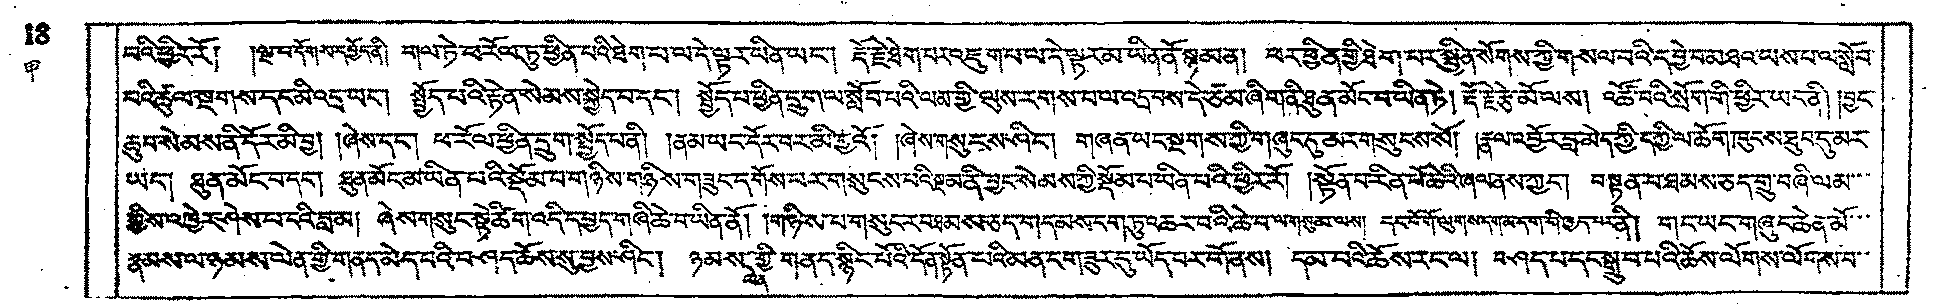པའི་ཕྱིར་རོ། ། ལྔ་པ་དོགས་དཔྱོད་ནི། གལ་ཏེ་ཕ་རོལ་ཏུ་ཕྱིན་པའི་ཐེག་པ་ལ་དེ་ལྟར་ཡིན་ཡང་། རྡོ་རྗེ་ཐེག་པར་འཇུག་པ་ལ་དེ་ལྟར་མ་ཡིན་ནོ་སྙམ་ན། ཕར་ཕྱིན་གྱི་ཐེག་པར་སྦྱིན་སོགས་ཀྱི་གསལ་བའི་དབྱེ་བ་མཐའ་ཡས་པ་ལ་སློབ་
པའི་ཚུལ་སྔགས་དང་མི་འདྲ་ཡང་། སྤྱོད་པའི་རྟེན་སེམས་སྐྱེད་པ་དང་། སྤྱོད་པ་ཕྱིན་དྲུག་ལ་སློབ་པའི་ལམ་གྱི་ལུས་རགས་པ་ལ་འདྲ་བས་དེ་ཙམ་ཞིག་ནི་ཐུན་མོང་བ་ཡིན་ཏེ། རྡོ་རྗེ་རྩེ་མོ་ལས། འཚོ་བའི་སྲོག་གི་ཕྱིར་ཡང་ནི། །བྱང་
ཆུབ་སེམས་ནི་དོར་མི་བྱ། །ཞེས་དང་། ཕ་རོལ་ཕྱིན་དྲུག་སྤྱོད་པ་ནི། །ནམ་ཡང་དོར་བར་མི་བྱའོ། །ཞེས་གསུངས་ཤིང་། གཞན་ཡང་སྔགས་ཀྱི་གཞུང་དུ་མར་གསུངས་སོ། །རྣལ་འབྱོར་བླ་མེད་ཀྱི་དཀྱིལ་ཆོག་ཁུངས་ཐུབ་དུ་མར་
ཡང་། ཐུན་མོང་བ་དང་། ཐུན་མོང་མ་ཡིན་པའི་སྡོམ་པ་གཉིས་གཉིས་གཟུང་དགོས་པར་གསུངས་པའི་སྔ་མ་ནི་བྱང་སེམས་ཀྱི་སྡོམ་པ་ཡིན་པའི་ཕྱིར་རོ། །སྟོན་པ་རིན་པོ་ཆེའི་ཞལ་ནས་ཀྱང་། བསྟན་པ་ཐམས་ཅད་གྲུ་བཞིན་ལམ་
གྱིས་འཁྱེར་ཤེས་པ་ངའི་བླ་མ། ཞེས་གསུང་སྟེ་ཚིག་འདི་དཔྱད་གཞི་ཆེ་བ་ཡིན་ནོ། །གཉིས་པ་གསུང་རབ་ཐམས་ཅད་གདམས་ངག་ཏུ་འཆར་བའི་ཆེ་བ་ལ་གསུམ་ལས། དང་པོ་གོ་ལུགས་དག་མ་དག་གི་ཁྱད་པར་ནི། གང་ཡང་གཞུང་ཆེན་མོ་
རྣམས་ལ་ཉམས་ལེན་གྱི་གནད་མེད་པའི་བཤད་ཆོས་སུ་བྱས་ཤིང་། ཉམས་ལེན་གྱི་གནད་སྙིང་པོའི་དོན་སྟོན་པའི་མན་ངག་ཟུར་དུ་ཡོད་པར་གོ་ནས། དམ་པའི་ཆོས་རང་ལ། བཤད་པ་དང་སྒྲུབ་པའི་ཆོས་ལོགས་ལོགས་པ་